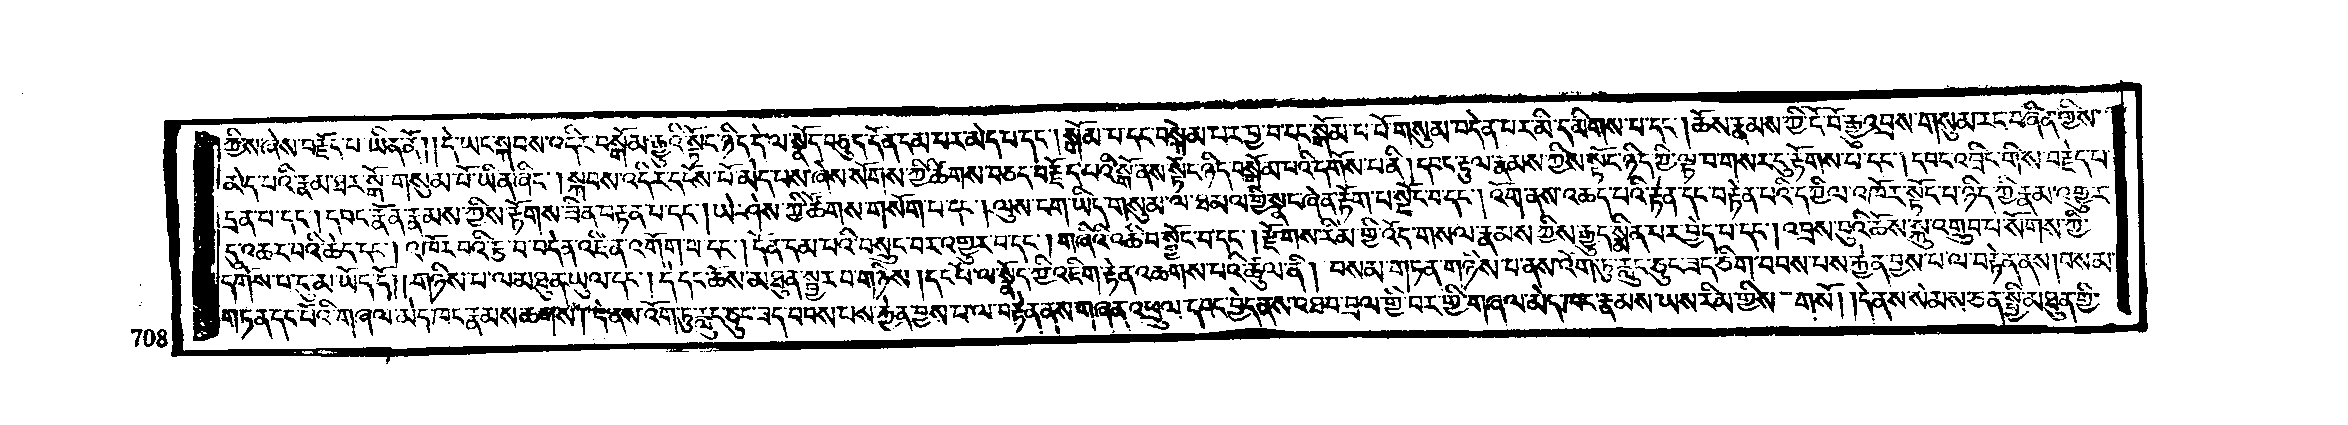ཀྱིས་ཞེས་བྗོད་པ་ཡིན་ནོ། །དེ་ཡང་སྐབས་འདིར་བསྒོམ་རྒྱུའི་སྟོང་ཉིད་དེ་ལ་སྣོད་བཅུད་དོན་དམ་པར་མེད་པ་དང་། སྒོམ་པ་དང་བསྐོམ་?་པར་བྱ་བ་དང་སྒོམ་པ་པོ་གསུམ་བདེན་པར་མི་དམིགས་པ་དང་། ཆོས་རྣམས་ཀྱི་ངོ་བོ་རྒྱུ་འབྲས་གསུམ་རང་བཞིན་གྱིས་
མེད་པའི་རྣམ་ཐར་སྒོ་གསུམ་པོ་ཡིན་ཞིང་། སྐབས་འདིར་དངོས་པོ་མེད་པས་ཞེས་སོགས་ཀྱི་ཚིགས་བཅད་བརྗོད་པའི་སྒོ་ནས་སྟོང་ཉིད་བསྒོམ་པའི་དགོས་པ་ནི། དབང་རྟུལ་རྣམས་ཀྱིས་སྟོང་ཉིད་ཀྱི་ལྟ་བ་གསར་དུ་རྟོགས་པ་དང་། དབང་འབྲིང་གིས་བརྗེད་པ་
དྲན་པ་དང་། དབང་རྣོན་རྣམས་ཀྱིས་རྟོགས་ཟིན་བརྟན་པ་དང་། ཡེ་ཤེས་ཀྱི་ཚོགས་གསོག་པ་དང་། ལུས་ངག་ཡིད་གསུམ་ལ་ཐ་མལ་གྱི་སྣང་ཞེན་རྟོག་པ་སྤོང་བ་དང་། འོག་ནས་འཆད་པའི་རྟེན་དང་བརྟེན་པའི་དཀྱིལ་འཁོར་སྟོང་པ་ཉིད་ཀྱི་རྣམ་འགྱུར་
དུ་འཆར་བའི་ཆེད་དང་། འཁོར་བའི་རྩ་བ་བདེན་འཛིན་འགོག་པ་དང་། དོན་དམ་པའི་བསྲུང་བར་འགྱུར་བ་དང་། གཞིའི་འཆི་བ་སྦྱོང་བ་དང་། རྫོགས་རིམ་གྱི་འོད་གསལ་རྣམས་ཀྱིས་རྒྱུད་སྨིན་པར་བྱེད་པ་དང་། འབྲས་བུའི་ཆོས་སྐུ་འགྲུབ་པ་སོགས་ཀྱི་
དགོས་པ་དུ་མ་ཡོད་དོ། །གཉིས་པ་ལ་མཐུན་ཡུལ་དང་། དེ་དང་ཆོས་མཐུན་སྦྱར་བ་གཉིས། དང་པོ་ལ་སྣོད་ཀྱི་འཇིག་རྟེན་འཆགས་པའི་ཚུལ་ནི། བསམ་གཏན་གཉིས་པ་ནས་འོག་ཏུ་རླུང་ཅུང་ཟད་ཅིག་བབས་པས་རྐྱེན་བྱས་པ་ལ་བརྟེན་ནས། བསམ་
གཏན་དང་པོའི་གཞལ་མེད་ཁང་རྣམས་ཆགས། དེ་ནས་འོག་ཏུ་རླུང་ཅུང་ཟད་བབས་པས་རྐྱེན་བྱས་པ་ལ་བརྟེན་ནས་གཞན་འཕྲུལ་དབང་བྱེད་ནས་འཐབ་བྲལ་གྱི་བར་གྱི་གཞལ་མེད་ཁང་རྣམས་ཡས་རིམ་གྱིས་?་གསོ། །དེ་ནས་སེམས་ཅན་སྤྱི་མཐུན་གྱི་